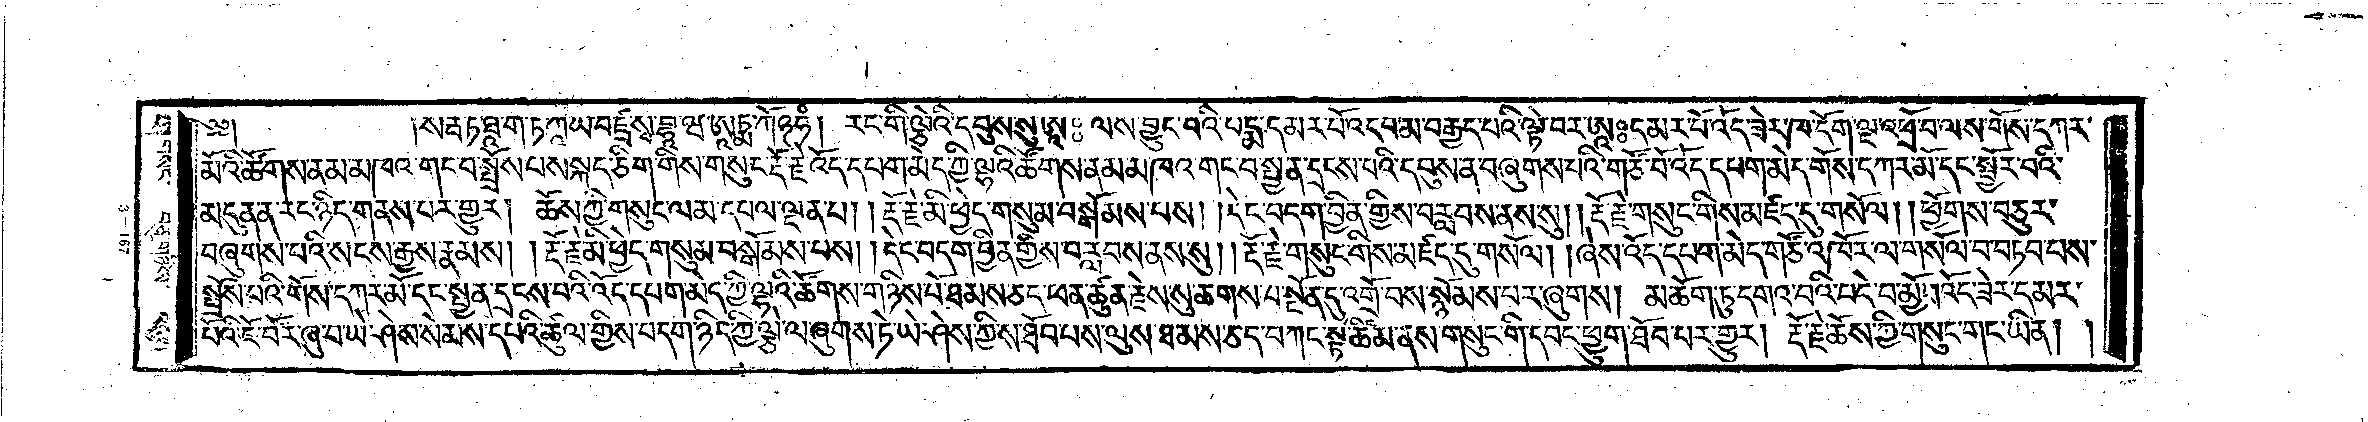༄༅། །སརྦ་ཏ་ཐཱ་ག་ཏ་ཀཱ་ཡ་བཛྲསྭ་བྷཱ་ཝ་ཨཱཏྨ་ཀོཉཧཾ། རང་གི་ལྕེའི་དབུས་སུ་ཨཱཿ ལས་བྱུང་བའི་པདམ་དམར་པོ་འདབ་མ་བརྒྱད་པའི་ལྟེ་བར་ཨཱཿ དམར་པོ་འོད་ཟེར་ཁ་དོག་ལྔ་འཕྲོ་བ་ལས་གོས་དཀར་
མོའི་ཚོགས་ནམ་མཁའི་གང་བ་སྤྲོས་པས་སྐད་ཅིག་གིས་གསུང་རྡོ་རྗེ་འོད་དཔག་མེད་ཀྱི་ལྷའི་ཚོགས་ནམ་མཁའ་གང་བ་སྤྱན་དྲངས་པའི་དབུས་ན་བཞུགས་པའི་གཙོ་བོ་འོད་དཔག་མེད་གོས་དཀར་མོ་དང་སྦྱོར་བའི་
མདུན་ན་རང་ཉིད་གནས་པར་གྱུར། ཆོས་ཀྱི་གསུང་ལམ་དཔལ་ལྡན་པ། །རྡོ་རྗེ་མི་ཕྱེད་གསུམ་བསྒོམས་པས། །དེང་བདག་བྱིན་གྱིས་བརླབས་ནས་སུ། །རྡོ་རྗེ་གསུང་གིས་མཛད་དུ་གསོལ། །ཕྱོགས་བཅུར་
བཞུགས་པའི་སངས་རྒྱས་རྣམས། །རྡོ་རྗེ་མི་ཕྱེད་གསུམ་བསྒོམས་པས། །དེང་བདག་བྱིན་གྱིས་བརླབས་ནས་སུ། །རྡོ་རྗེ་གསུང་གིས་མཛད་དུ་གསོལ། །ཞེས་འོད་དཔག་མེད་གཙོ་འཁོར་ལ་གསོལ་བ་བཏབ་པས་
སྤྲོས་པའི་གོས་དཀར་མོ་དང་སྤྱན་དྲངས་པའི་འོད་དཔག་མེད་ཀྱི་ལྷའི་ཚོགས་གཉིས་པོ་ཐམས་ཅད་ཕན་ཚུན་རྗེས་སུ་ཆགས་པ་སྔོན་དུ་འགྲོ་བས་སྙོམས་པར་ཞུགས། མཆོག་ཏུ་དགའ་བའི་བདེ་བ་མྱོ་བ་འོད་ཟེར་དམར་
པོའི་ངོ་བོར་ཞུ་བ་ཡེ་ཤེས་སེམས་དཔའི་ཚུལ་གྱིས་བདག་ཉིད་ཀྱི་ལྕེ་ལ་ཞུགས་ཏེ་ཡེ་ཤེས་ཀྱིས་ཐོབ་པས་ལུས་ཐམས་ཅད་བཀང་སྟེ་ཚིམ་ནས་གསུང་གི་དབང་ཕྱུག་ཐོབ་པར་གྱུར། རྡོ་རྗེ་ཆོས་ཀྱི་གསུང་གང་ཡིན། །